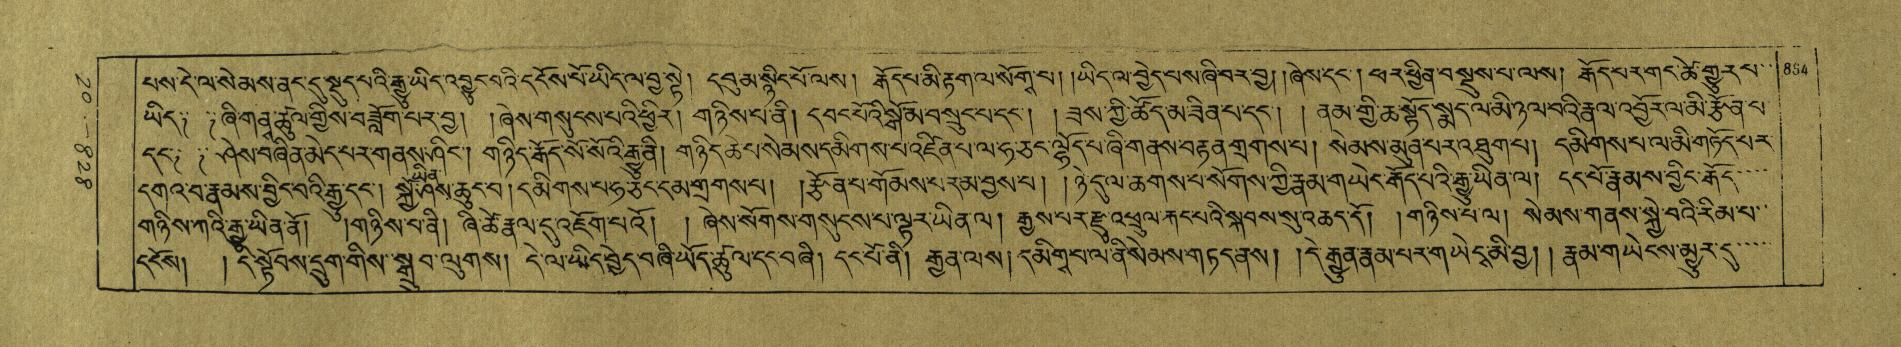པས་དེ་ལ་སེམས་ནང་དུ་སྡུད་པའི་རྒྱུ་ཡིད་འབྱུང་བའི་དངོས་པོ་ཡིད་ལ་བྱ་སྟེ། དབུ་མ་སྙིང་པོ་ལས། རྒོད་པ་མི་རྟག་ལ་སོགས་པ། །ཡིད་ལ་བྱེད་པས་ཞི་བར་བྱ། །ཞེས་དང་། ཕར་ཕྱིན་བསྡུས་པ་ལས། རྒོད་པར་གང་ཚེ་གྱུར་པ་
ཡིད༑ ༑ཞི་གནས་ཚུལ་གྱིས་བཟློག་པར་བྱ། །ཞེས་གསུངས་པའི་ཕྱིར། གཉིས་པ་ནི། དབང་པོའི་སྒོམ་བསྲུང་པ་དང་། །ཟས་ཀྱི་ཚོད་མ་ཟིན་པ་དང་། །ནམ་གྱི་ཆ་སྟོད་སྨད་ལ་མི་ཉལ་བའི་རྣལ་འབྱོར་ལ་མི་རྩོན་པ་
དང༑ ༑ཤེས་བཞིན་མེད་པར་གནས་ཤིང་། གཉིད་རྒོད་སོ་སོའི་རྒྱུ་ནི། གཉིད་ཆེ་བ་སེམས་དམིགས་པ་འཛིན་པ་ལ་ཧ་ཅང་ལྷོད་པ་ཞི་གནས་བརྟན་གྲགས་པ། སེམས་མུན་པར་འཐུག་པ། དམིགས་པ་ལ་མི་གཏོད་པར་
དགའ་བ་རྣམས་བྱིང་བའི་རྒྱུ་དང་། སྐྱོ་ཡིན་ཤས་ཆུང་བ། དམིགས་པ་ཧ་ཅང་དམ་གྲགས་པ། །རྩོན་པ་གོམས་པར་མ་བྱས་པ། །ཉེ་དུ་ལ་ཆགས་པ་སོགས་ཀྱི་རྣམ་གཡེང་རྒོད་པའི་རྒྱུ་ཡིན་ལ། དང་པོ་རྣམས་བྱིང་རྒོད་
གཉིས་ཀའི་རྒྱུ་ཡིན་ནོ། །གཉིས་པ་ནི། ཞི་ཚེ་རྣལ་དུ་འཇོག་པའོ། །ཞེས་སོགས་གསུངས་པ་ལྟར་ཡིན་ལ། རྒྱས་པར་རྫུ་འཕྲུལ་རྐང་པའི་སྐབས་སུ་འཆད་དོ། །གཉིས་པ་ལ། སེམས་གནས་སྐྱེ་བའི་རིམ་པ་
དངོས། །དེ་སྟོབས་དྲུག་གིས་སྒྲུབ་ལུགས། དེ་ལ་ཡིད་བྱེད་བཞི་ཡོད་ཚུལ་དང་བཞི། དང་པོ་ནི། རྒྱན་ལས། དམིགས་པ་ལ་ནི་སེམས་གཏང་ནས། །དེ་རྒྱུན་རྣམ་པར་གཡེངས་མི་བྱ། །རྣམ་གཡེངས་མྱུར་དུ་